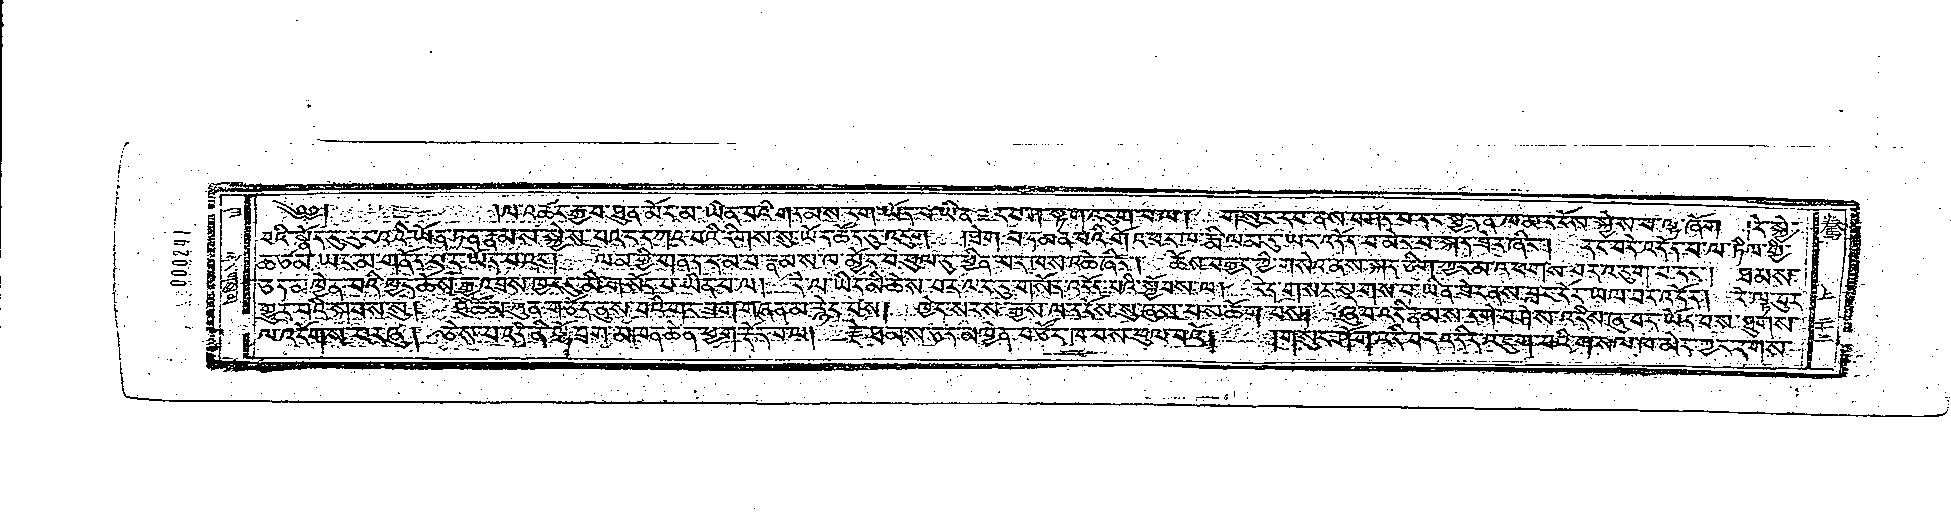༄༅། །ལ་འཚང་རྒྱ་བ་ཐུན་མོང་མ་ཡིན་པའི་གདམས་ངག་ཡོད་པ་ཡིན་ཟེར་བ་ཤ་སྟག་འདུག་བ་ལ། གསུང་རབ་ནས་བཤད་པ་དང་སྦྱར་ན་ལ་མ་དངོས་སྐྱེས་པ་ལྷ་ཞོག །དེ་སྐྱེ་
བའི་སྣོད་དུ་དུད་འའི་ཡོན་ཏན་རྣམས་སྐྱེས་པའང་དཀའ་བའི་རིགས་སུ་ཡོད་ཚོད་དུ་འདུག །ཐེག་བ་དམན་བའི་གོ་འཕང་ལ་རྨི་ལམ་དུ་ཡང་འདོད་པ་མེད་པ་སྐད་ཐེར་ཞིང་། རང་བདེ་འདོད་པ་ལ་ཏིལ་གྱི་
ཆ་ཙམ་ཡང་མ་གནོད་པར་ཡོད་པ་འདྲ། ལམ་གྱི་གནད་དམ་པ་རྣམས་ལ་མྱོང་བ་ཕུལ་དུ་ཕྱིན་པར་ཁས་འཆེ་ཞིང་། ཆོས་བརྒྱང་ཀྱི་གསེར་ནས་སྐད་ཅིག་ཀྱང་མ་འཕགས་བར་འདུག་པ་དང་། ཐམས་
ཅད་མཁྱེན་པའི་ཁྱད་ཆོས་རྒྱ་འབྲས་ཁྱད་དུ་མི་གསོད་པ་ཡིན་པ་ལ། དེ་ལ་ཡིད་མི་ཆེས་པར་ལང་དུ་གསོད་འདོད་པའི་སྐྱོབས་ལ། དེད་གསང་སྔགས་པ་ཡིན་ཟེར་ནས་བླང་དོར་ཡལ་བར་འདོར། དེ་ལྟ་བུར་
གྱུར་བའི་སྐབས་སུ། ཐེ་ཚོམ་ཀུན་གཅོད་ནུས་པའི་གང་ཟག་གཞན་མ་རྙེད་པས། ཁྱེད་སངས་རྒྱས་ལ་དངོས་སུ་ཞུས་པས་ཆོག་པས། ཞུ་བ་འདི་རྣམས་དགེ་བཤེས་འདིས་ཞུ་བང་ཡོད་པས་ཐུགས་
ལ་འདོགས་པར་ཞུ། ཅེས་བ་འདི་ནི་ལྷོ་བྲག་མཁན་ཆེན་ཕྱག་རྡོད་བ་ལ། རྗེ་ཐམས་ཅད་མཁྱེན་པ་ཙོང་ཁ་པས་ཕུལ་བའོ། །གསུང་ཤོག་འདི་བར་འདིར་འཇུག་པའི་གསལ་ཁ་མེད་ཀྱང་རགས་